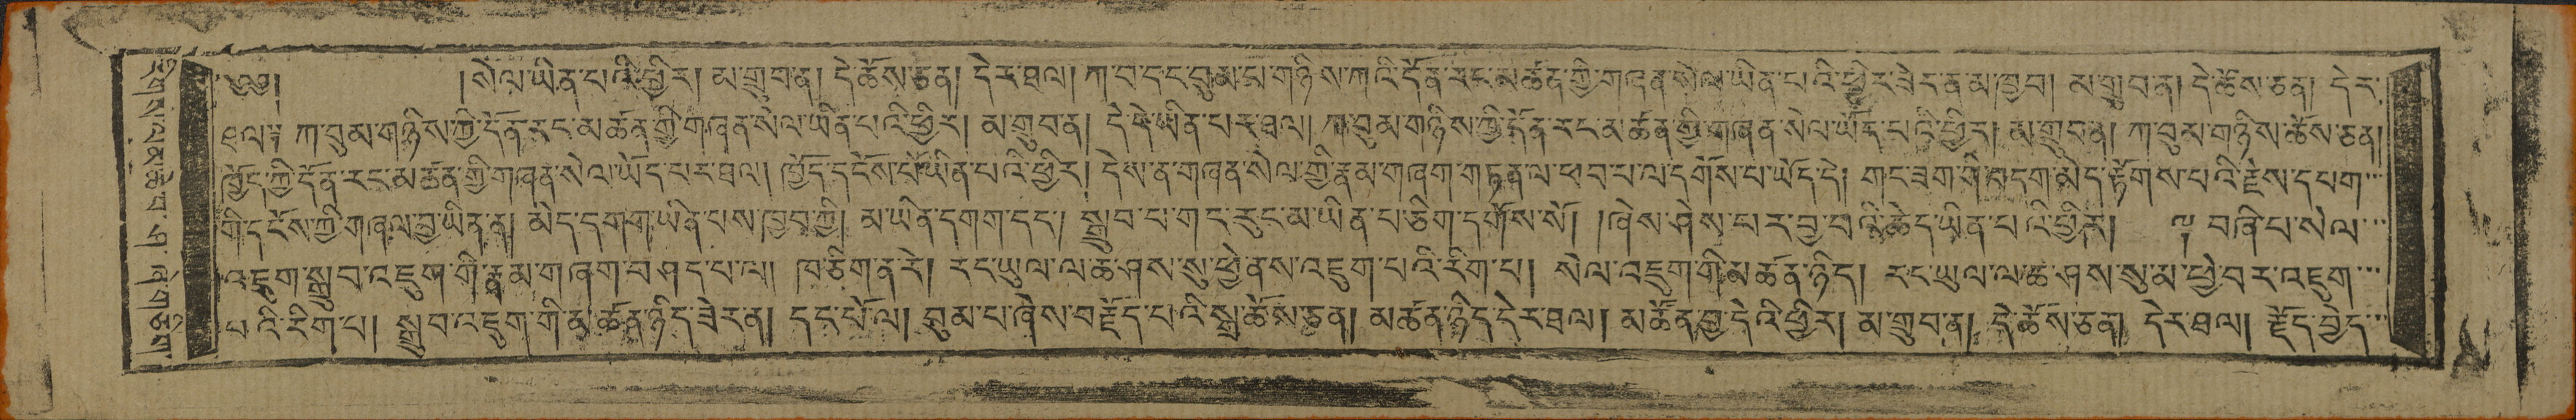༄༅། །སེལ་ཡིན་པའི་ཕྱིར། མ་གྲུབ་ན། དེ་ཆོས་ཅན། དེར་ཐལ། ཀ་བ་དང་བུམ་པ་གཉིས་ཀའི་དོན་རང་མཚན་གྱི་གཞན་སེལ་ཡིན་པའི་ཕྱིར་ཟེར་ན་མ་ཁྱབ། མ་གྲུབ་ན། དེ་ཆོས་ཅན། དེར་
ཐལ༑ ཀ་བུམ་གཉིས་ཀྱི་དོན་རང་མཚན་གྱི་གཞན་སེལ་ཡིན་པའི་ཕྱིར། མ་གྲུབ་ན། དེ་དེ་ཡིན་པར་ཐལ། ཀ་བུམ་གཉིས་ཀྱི་དོན་རང་མཚན་གྱི་གཞན་སེལ་ཡོད་པའི་ཕྱིར། མ་གྲུབ་ན། ཀ་བུམ་གཉིས་ཆོས་ཅན།
ཁྱོད་ཀྱི་དོན་རང་མཚན་གྱི་གཞན་སེལ་ཡོད་པར་ཐལ། ཁྱོད་དངོས་པོ་ཡིན་པའི་ཕྱིར། དེས་ན་གཞན་སེལ་གྱི་རྣམ་གཞག་གཏན་ལ་ཕབ་པ་ལ་དགོས་པ་ཡོད་དེ། གང་ཟག་གི་བདག་མེད་རྟོགས་པའི་རྗེས་དཔག་
གི་དངོས་ཀྱི་གཞལ་བྱ་ཡིན་ན། མེད་དགག་ཡིན་པས་ཁྱབ་ཀྱི། མ་ཡིན་དགག་དང་། སྒྲུབ་པ་གང་རུང་མ་ཡིན་པ་ཅིག་དགོས་སོ། །ཞེས་ཤེས་པར་བྱ་བའི་ཆེད་ཡིན་པའི་ཕྱིར། ༈བཞི་པ་སེལ།
འཇུག་སྒྲུབ་འཇུག་གི་རྣམ་གཞག་བཤད་པ་ལ། ཁ་ཅིག་ན་རེ། རང་ཡུལ་ལ་ཆ་ཤས་སུ་ཕྱེ་ནས་འཇུག་པའི་རིག་པ། སེལ་འཇུག་གི་མཚན་ཉིད། རང་ཡུལ་ལ་ཆ་ཤས་སུ་མ་ཕྱེ་བར་འཇུག་
པའི་རིག་པ། སྒྲུབ་འཇུག་གི་མཚན་ཉིད་ཟེར་ན། དང་པོ་ལ། བུམ་པ་ཞེས་བརྗོད་པའི་སྒྲ་ཆོས་ཅན། མཚན་ཉིད་དེར་ཐལ། མཚོན་བྱ་དེའི་ཕྱིར། མ་གྲུབ་ན། དེ་ཆོས་ཅན། དེར་ཐལ། རྗོད་བྱེད་